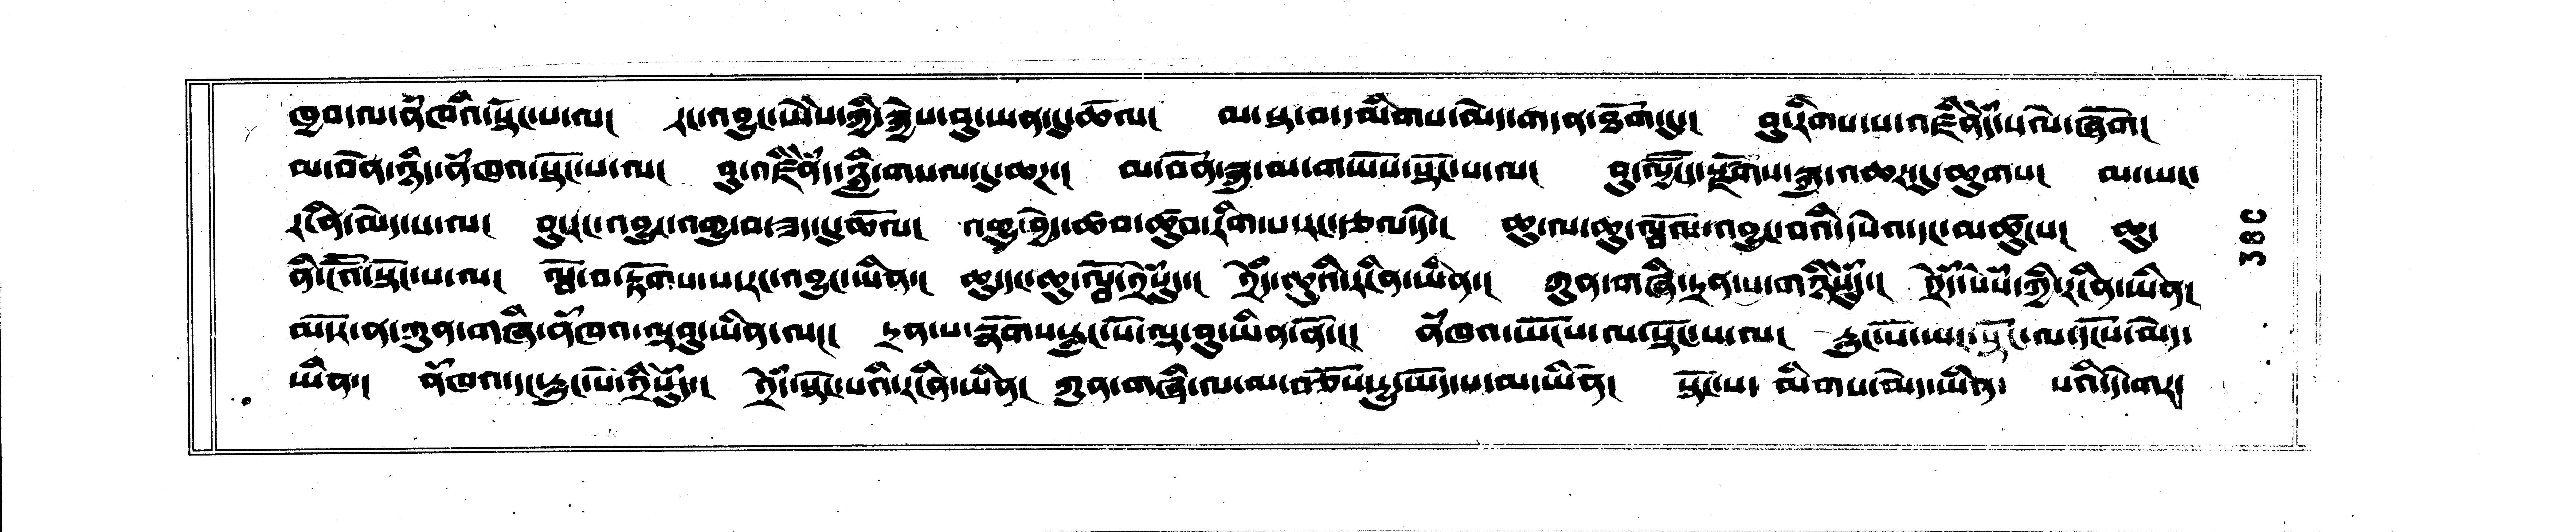ཁྱབ་བདལ་ཁང་ཁྱིམ་སྟོང་པ་ན། རང་འབྱུང་ཡེ་ཤེས་སྐྱེས་བུ་ཡན་དུ་ཆོལ། མ་སྟོང་པ་དམིགས་མེད་གདན་ཐོག་དུ། བུ་རིག་པ་འཛིན་མེད་སལེ་ཞོག 
མ་བོན་ཉིད་ནམ་མཁའ་སྟོང་པ་ལ། བུ་འཛིན་མེད་ཉི་ཟླ་གསལ་དུ་ཆོལ། མ་བོན་སྐུ་མ་གཡོས་སྟོང་པ་ལ། བུ་ལོངས་སྤྱོད་རྫོགས་སྐུ་འཆར་དུ་ཆོལ། མ་ཡེ་
རང་བཞིན་མེད་པ་ལ། བུ་རང་འབྱུང་འགྱུ་བ་ཟད་དུ་ཆོལ། འགྱུ་བྱེད་ཚབ་ཚུབ་རིག་པའི་རང་རྩལ་ཏེ། ཆུ་ལ་ཆུ་སྦུ་འབྱུང་པའི་དཔེ་དང་མཚུངས། ཆུ་
ནི་ངོའོ་སྟོང་པ་ལ། སྦུ་བ་རྟོག་པ་རང་འབྱུང་ཡིན། ཆུ་དང་ཆུ་སྦུ་གཉིས་སུ་མེད། ཀུན་གཞི་དྲན་པ་གཉིས་སུ་མེད། གཉིས་སུ་མེད་པ་སེམས་ཀྱིས་རང་བཞིན་ཡིན། 
མདོར་ན་ཀུན་གཞིན་ནི་ནམ་མཁའ་ལྟ་བུ་ཡིན་ལ། དྲན་པ་སྣ་ཚོགས་ནི་རླུང་པོ་ལྟ་བུ་ཡིན་ནོ། ནམ་མཁའ་ཡང་སྟོང་ལ། རླུང་པོ་ཡང་སྟོང་པ་དངོས་མེད་
ཡིན། ནམ་མཁའ་དང་རླུང་པོ་གཉིས་སུ་མེད། གཉིས་སུ་མེད་པ་སྟོང་པའི་རང་བཞིན་ཡིན། ཀུན་གཞི་ལ་བཅོས་རྒྱུ་ཡོད་པ་མ་ཡིན་ནོ། སྟོང་པ་དམིགས་མེད་ཡིན་ པ་དེ་ཀར་